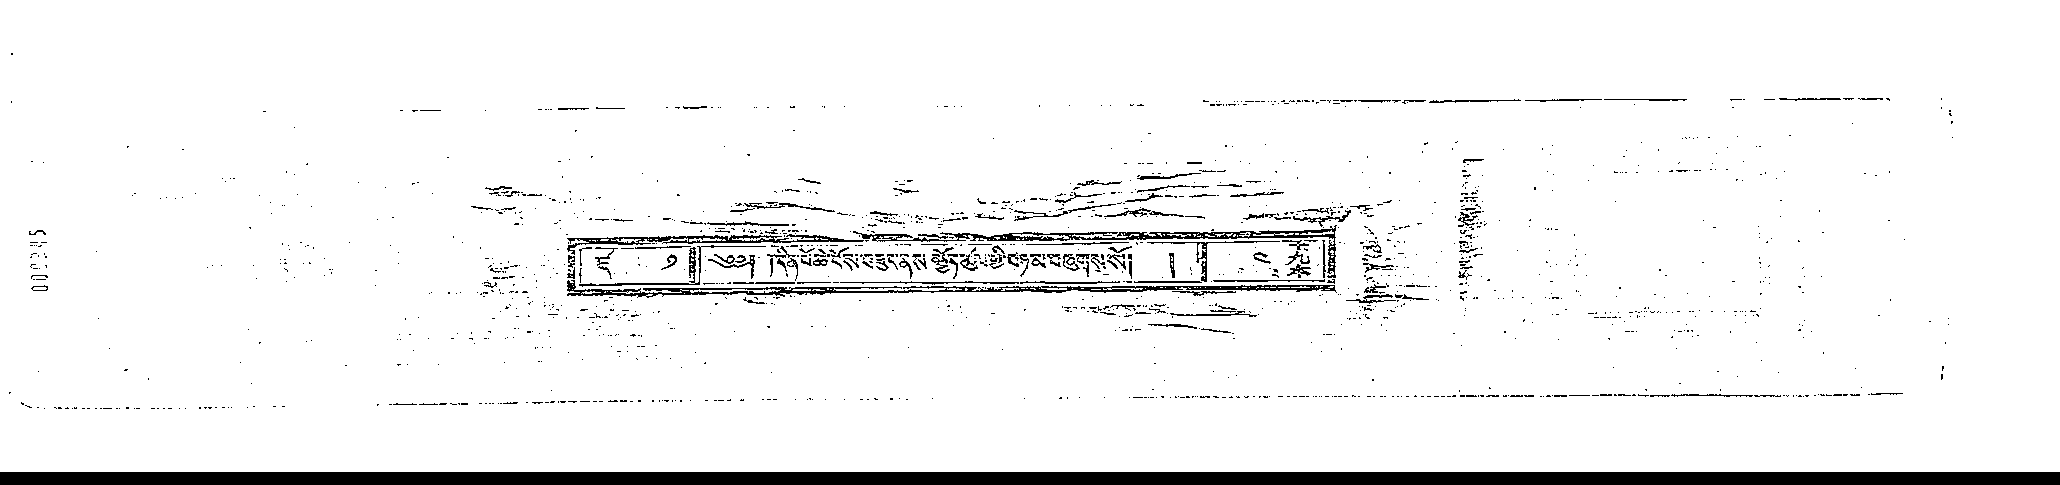ཏ ༡༩?
ཛ ༡་༄༅། །རིན་པོ་ཆེ་ངོས་བཟུང་ནས་སྤྱོད་ཚུལ་གྱི་གཏམ་བཞུགས་སོ། །༤